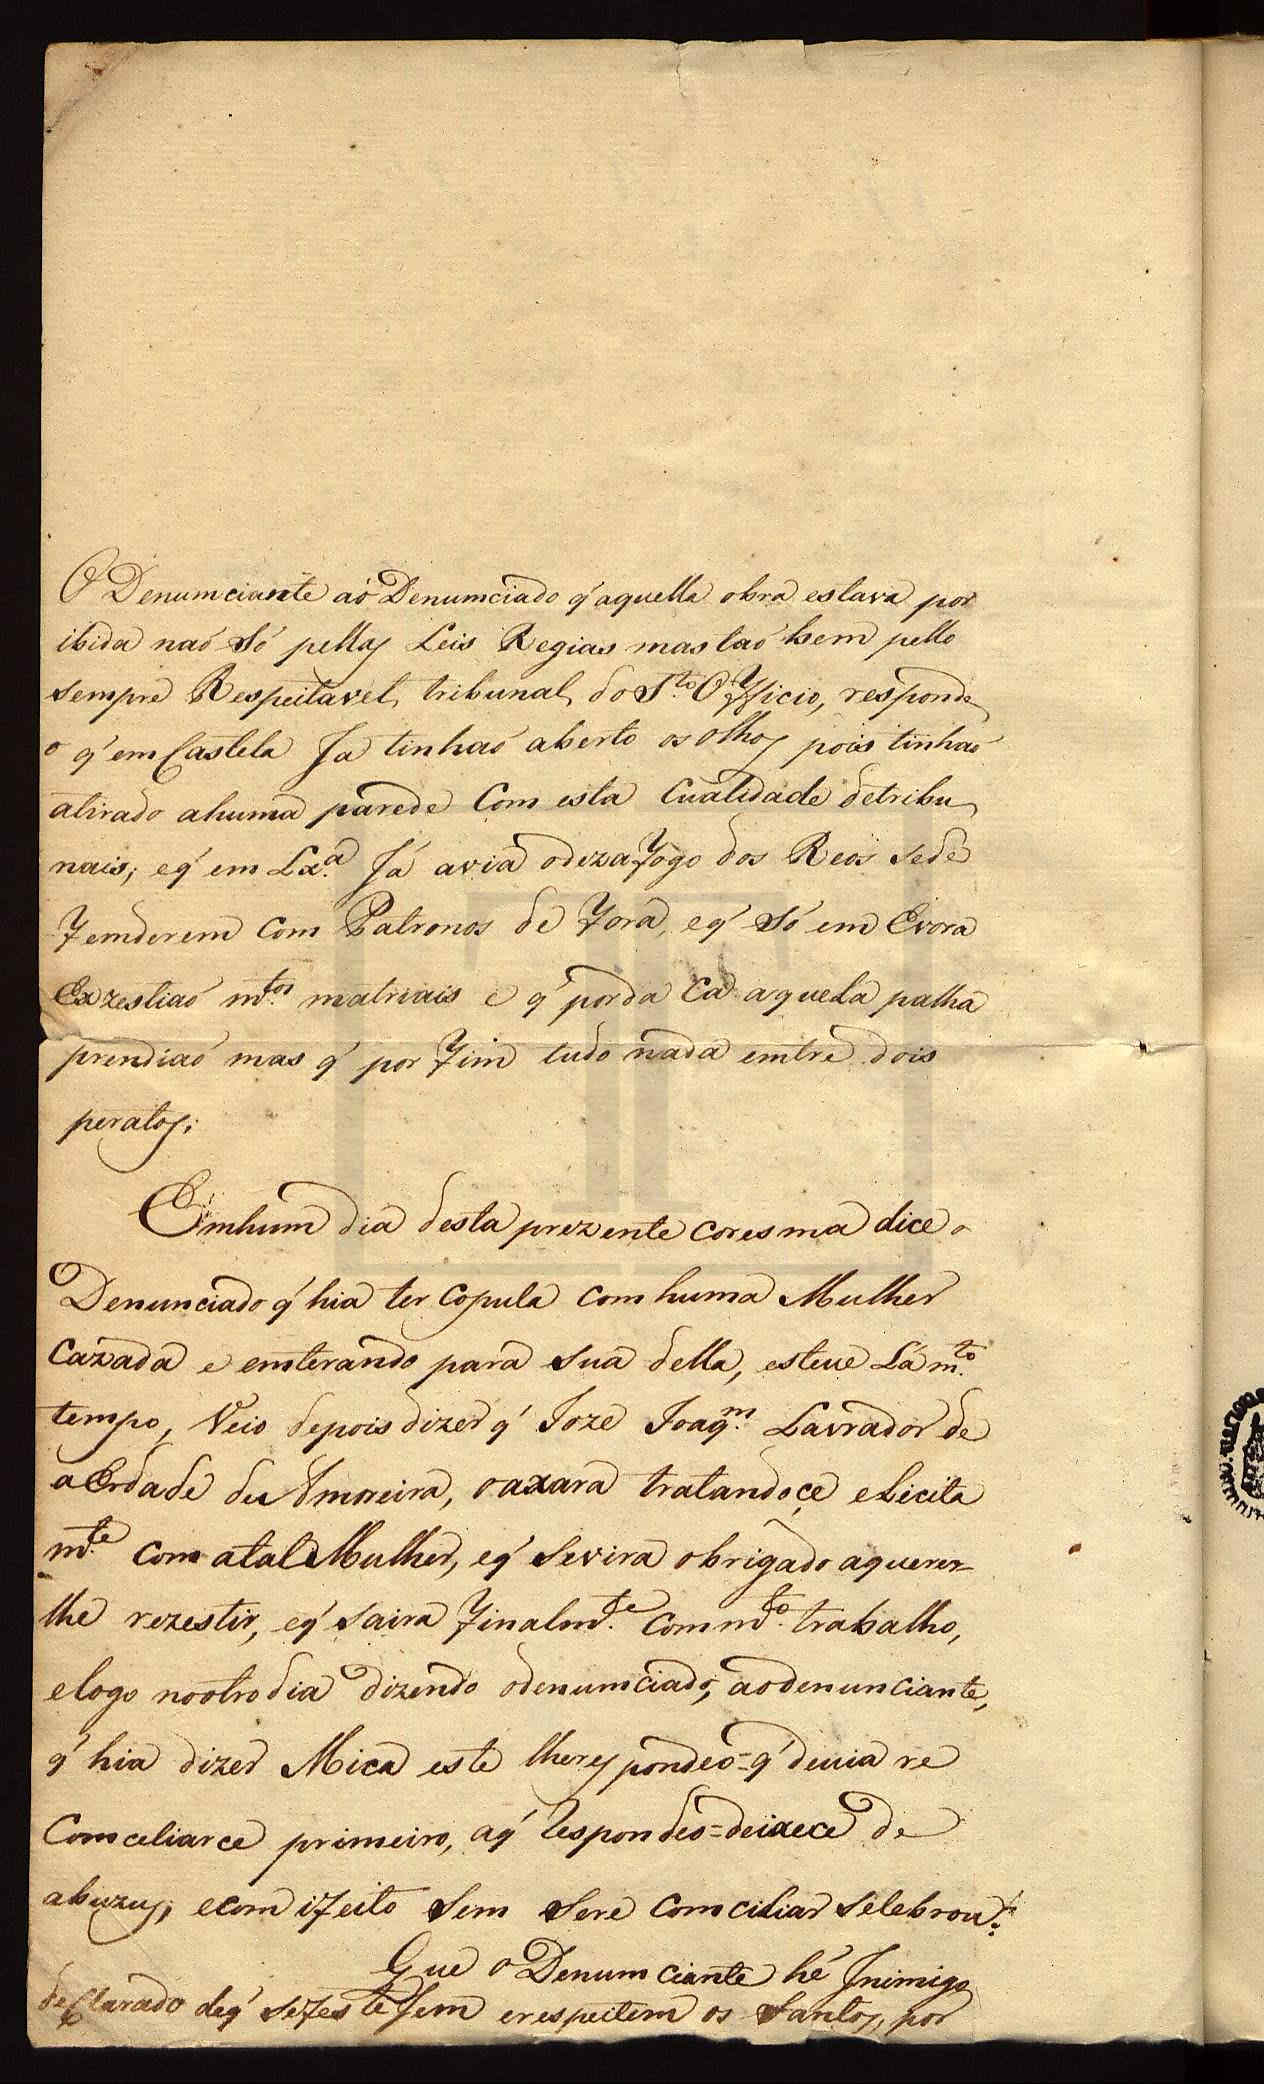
O Denunciante ao Denunciado q̄ aquella obra estava por
ibida naõ só pellas Leis Regias, mas taõbem pello
sempre Respeitavel, tribunal do S.to Officio, responde
o q̄ em Castela Ja tinhaõ aberto os olhos pois tinhaõ
atirado a huma parede Com esta Cualidade de tribu
nais, e q̄ em Lx.a Já avia o dezafogo dos Reos se de
femderem com Patronos de fora, e q̄ Só em Evora
Exzestiaõ m.tos matriais e q̄ por da ca aquela palha
prendiaõ mas q̄ por fim tudo nada emtre dois
peratos.
Em hum dia desta prezente coresma dice o
Denunciado q̄ hia ter copula com huma Mulher
cazada e emterando para sua della, esteue Lá m.to
tempo, Veio depois dizer q̄ Ioze Ioaq.m Lavrador de
a Erdade de Amoreira, o axara tratandoce elicita
m.te com a tal Mulher, e q̄ se vira obrigado a querer
lhe rezestir, e q̄ saira finalm.te com m.to trabalho,
e logo no otro dia dizendo o denunciado, ao denunciante,
q̄ hia dizer Mica este lhe respondeo q̄ deuia re
Comceliarce primeiro, a q̄ Respondeo= deixece de
abuzus, e com ifeito Sem Se recomciliar selebrou:
Que o Denumciante hé Jnimigo
deClarado de q̄ se festejem e respeitem os Santos, por
